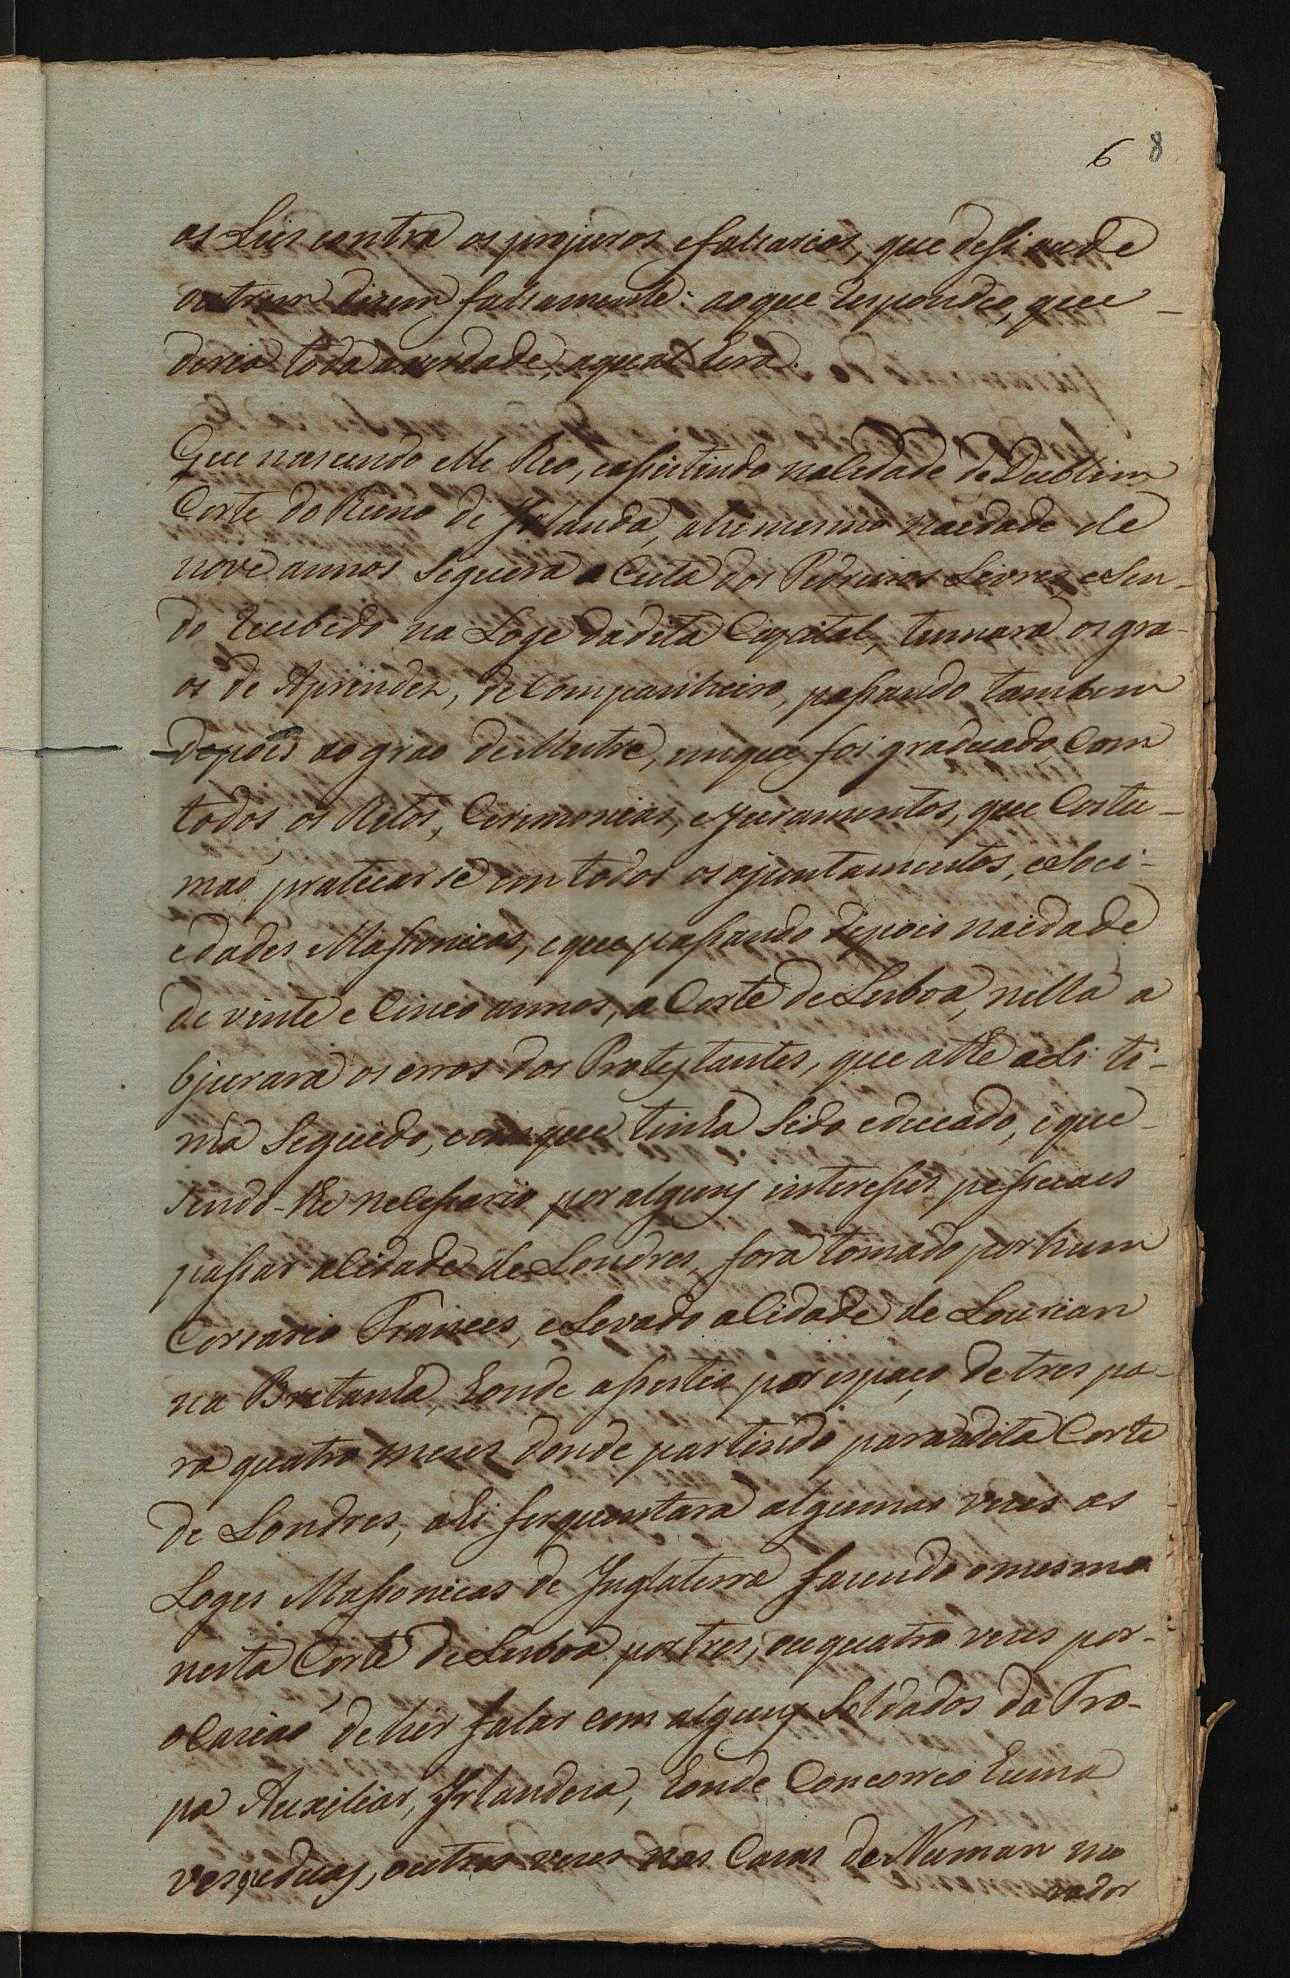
6
as Leis contra os prejuros e falsarios, que de si ou de
outrem dizem falsamente ao que Respondeo, que
diria toda a verdade, a qual hera.
Que nascendo elle Reo, e assistindo na Cidade de Dublim
Corte do Reino de Jrlanda, ahi mesmo na idade de
nove annos seguira a ceita dos Pedreiros Livres, e Sen
do Recebido na Loge da dita Capital, tomara os gra
os de Aprendiz, de Companheiro, passando tambem
depois ao grao de Mestre, em que foi graduado, Com
todos os Ritos, Ceremonias, e juramentos, que Costu
maõ praticarse em todos os ajuntamentos, e Soci
edades Massonicas, e que passando depois da idade
de vinte e Cinco annos, a Corte de Lisboa, nella a
bjurara os erros dos Protestantes, que athe ahi ti
nha Seguido, e em que tinha Sido educado, e que
sendo-lhe necessario, por alguns interesses pessuaes
passar a cidade de Londres, fora tomado por hum
corsario Frances, e Levado a Cidade de Lourian
na Bretanha, honde assestio por espaço de tres pa
ra quatro mezes donde partindo para a dita Corte
de Londres, ahi ferquentara algumas vezes as
Loges Massonicas de Jnglaterra fazendo o mesmo
nesta Corte de Lisboa por tres, ou quatro vezes por
oCaziaõ de hir falar com alguns Soldados da Tro
pa Auxiliar, Jrlandeza, honde Concorreo huma
ves, ou duas, outras vezes nas Cazas de Numan mo
rador
